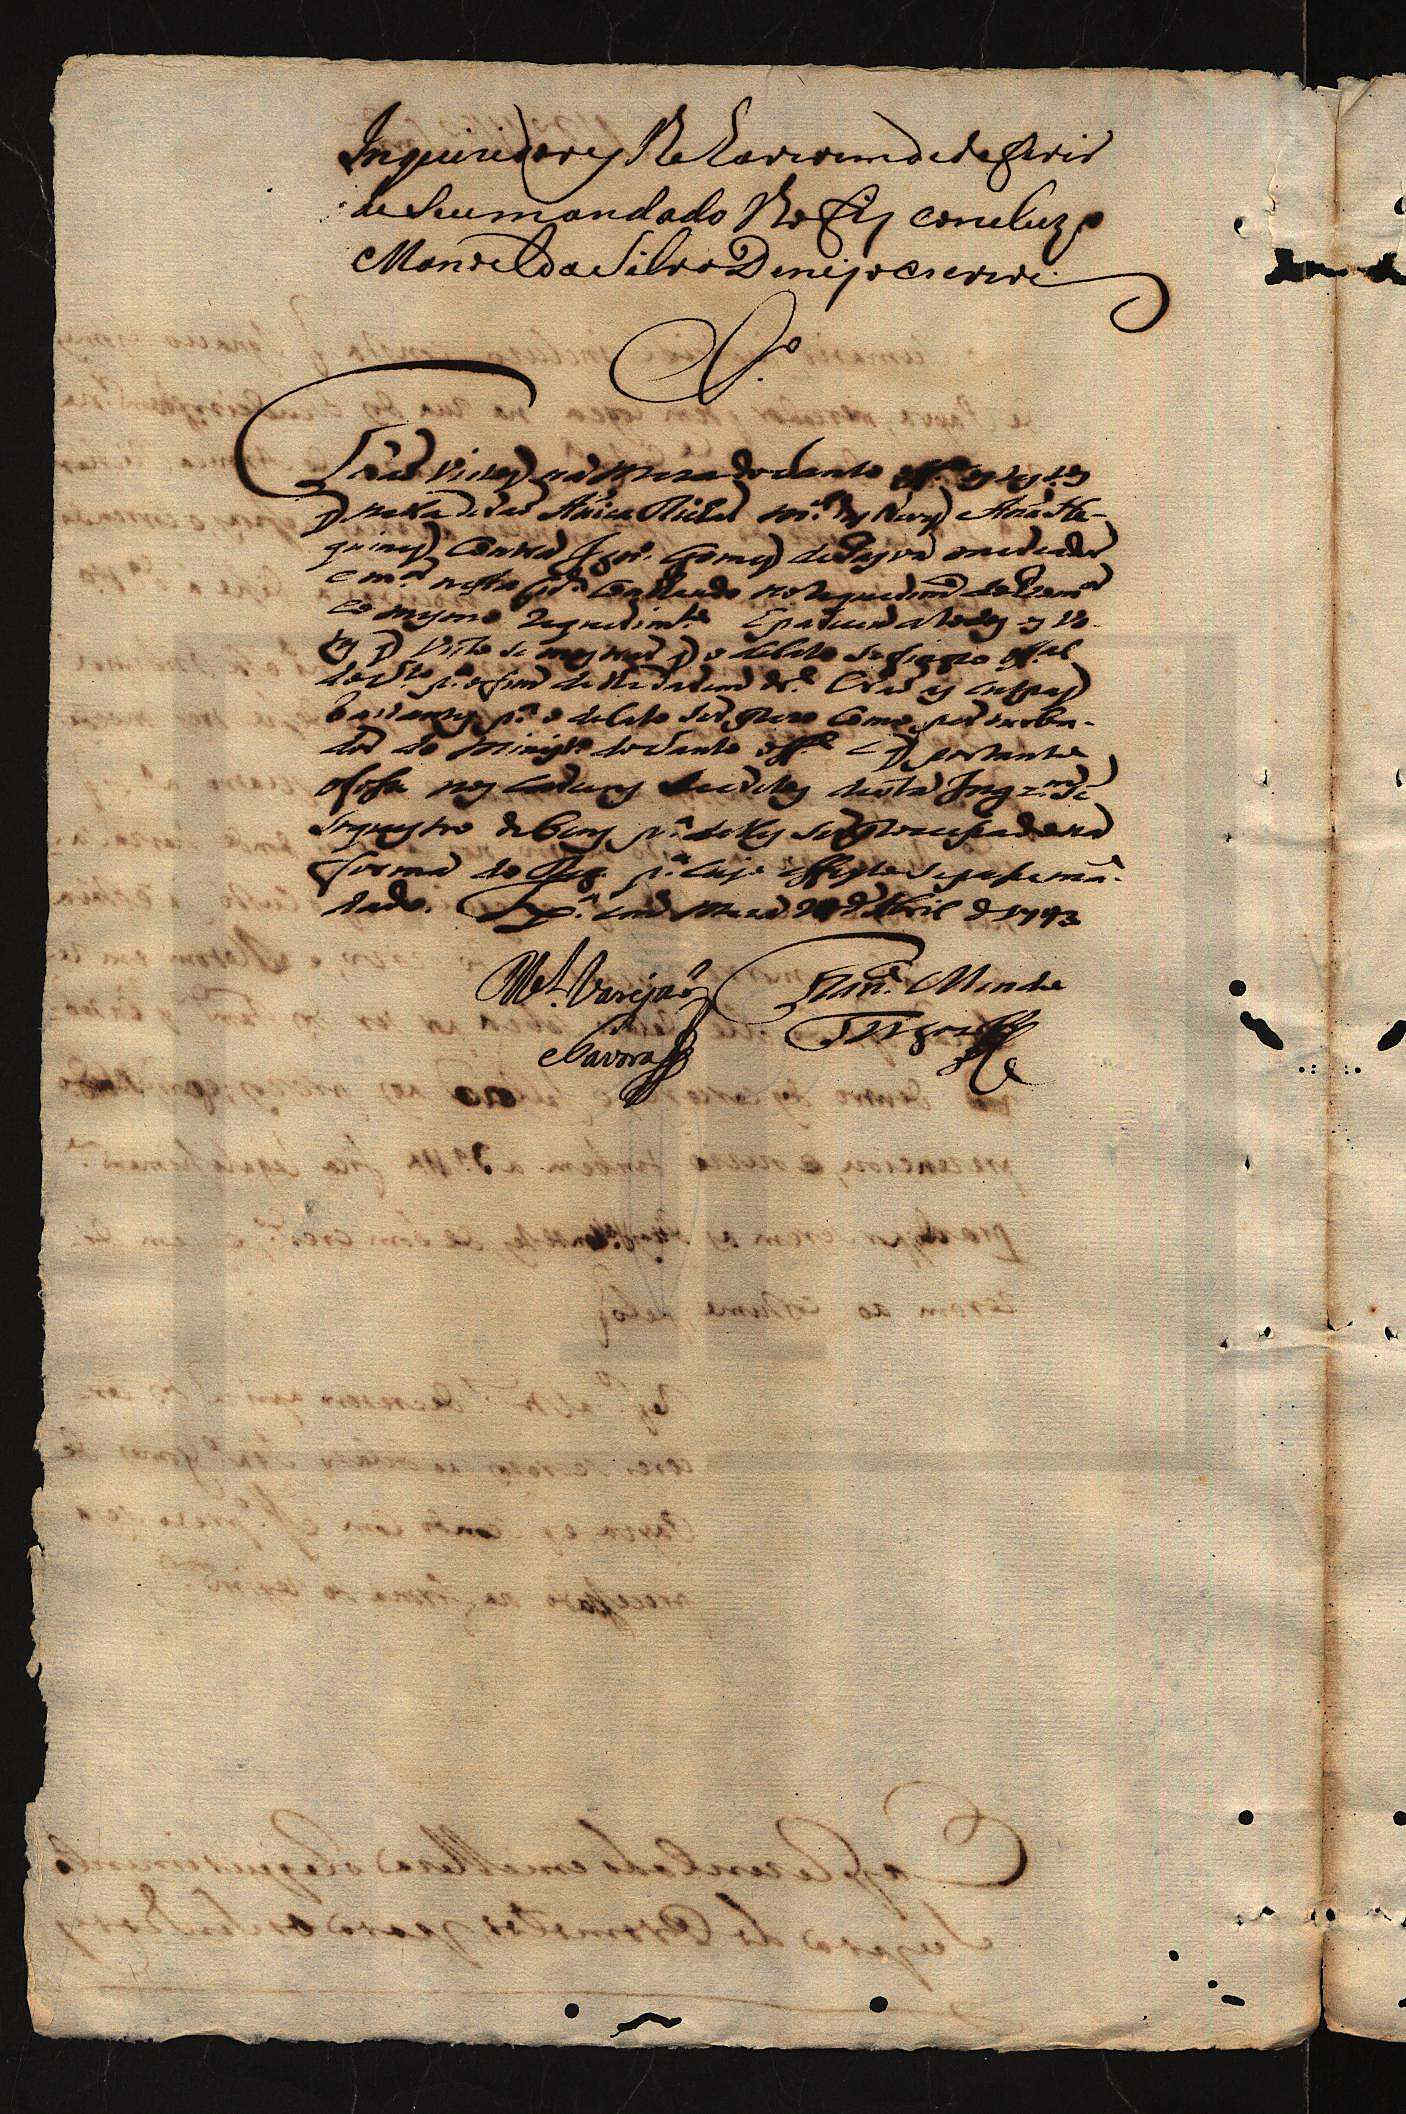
Inquizidores lhe haverem de deferir
de Seu mandado lho fis concluzo
Manoel da Silva Denis o escrevi.
CL.o
Foraõ vistos na meza do Santo off.o as tes.tas
q̄ nella deraõ An̄ica Richar m.el das Neves e An̄a He
quines contra Jgn.o Gomes de Payva mercador
e m.or nesta Cid.e contheudo no Requerim.to do Promor
e o mesmo Requerim.to E parecendo todos os vo
tos q̄ visto se mostrar q̄ o delato se fia no off.al
do S.to p.a o fim de lhe darem dr.o eraõ as culpas
bastantes p.a o delato ser prezo como perturba
dor do minist.o do Santo off.o e q̄ portanto
o fosse nos carceres secretos desta Inqz.m sē
sequestro de bens p.a delles ser pRocessado na
forma do Reg. p.a cujo effeyto se passe mā
dado. Lx.a em Meza 20 d̄ Abril d̄ 1743
Fran.co Mendo
Mel. Varejaõ
Trigozo
e Tavora
